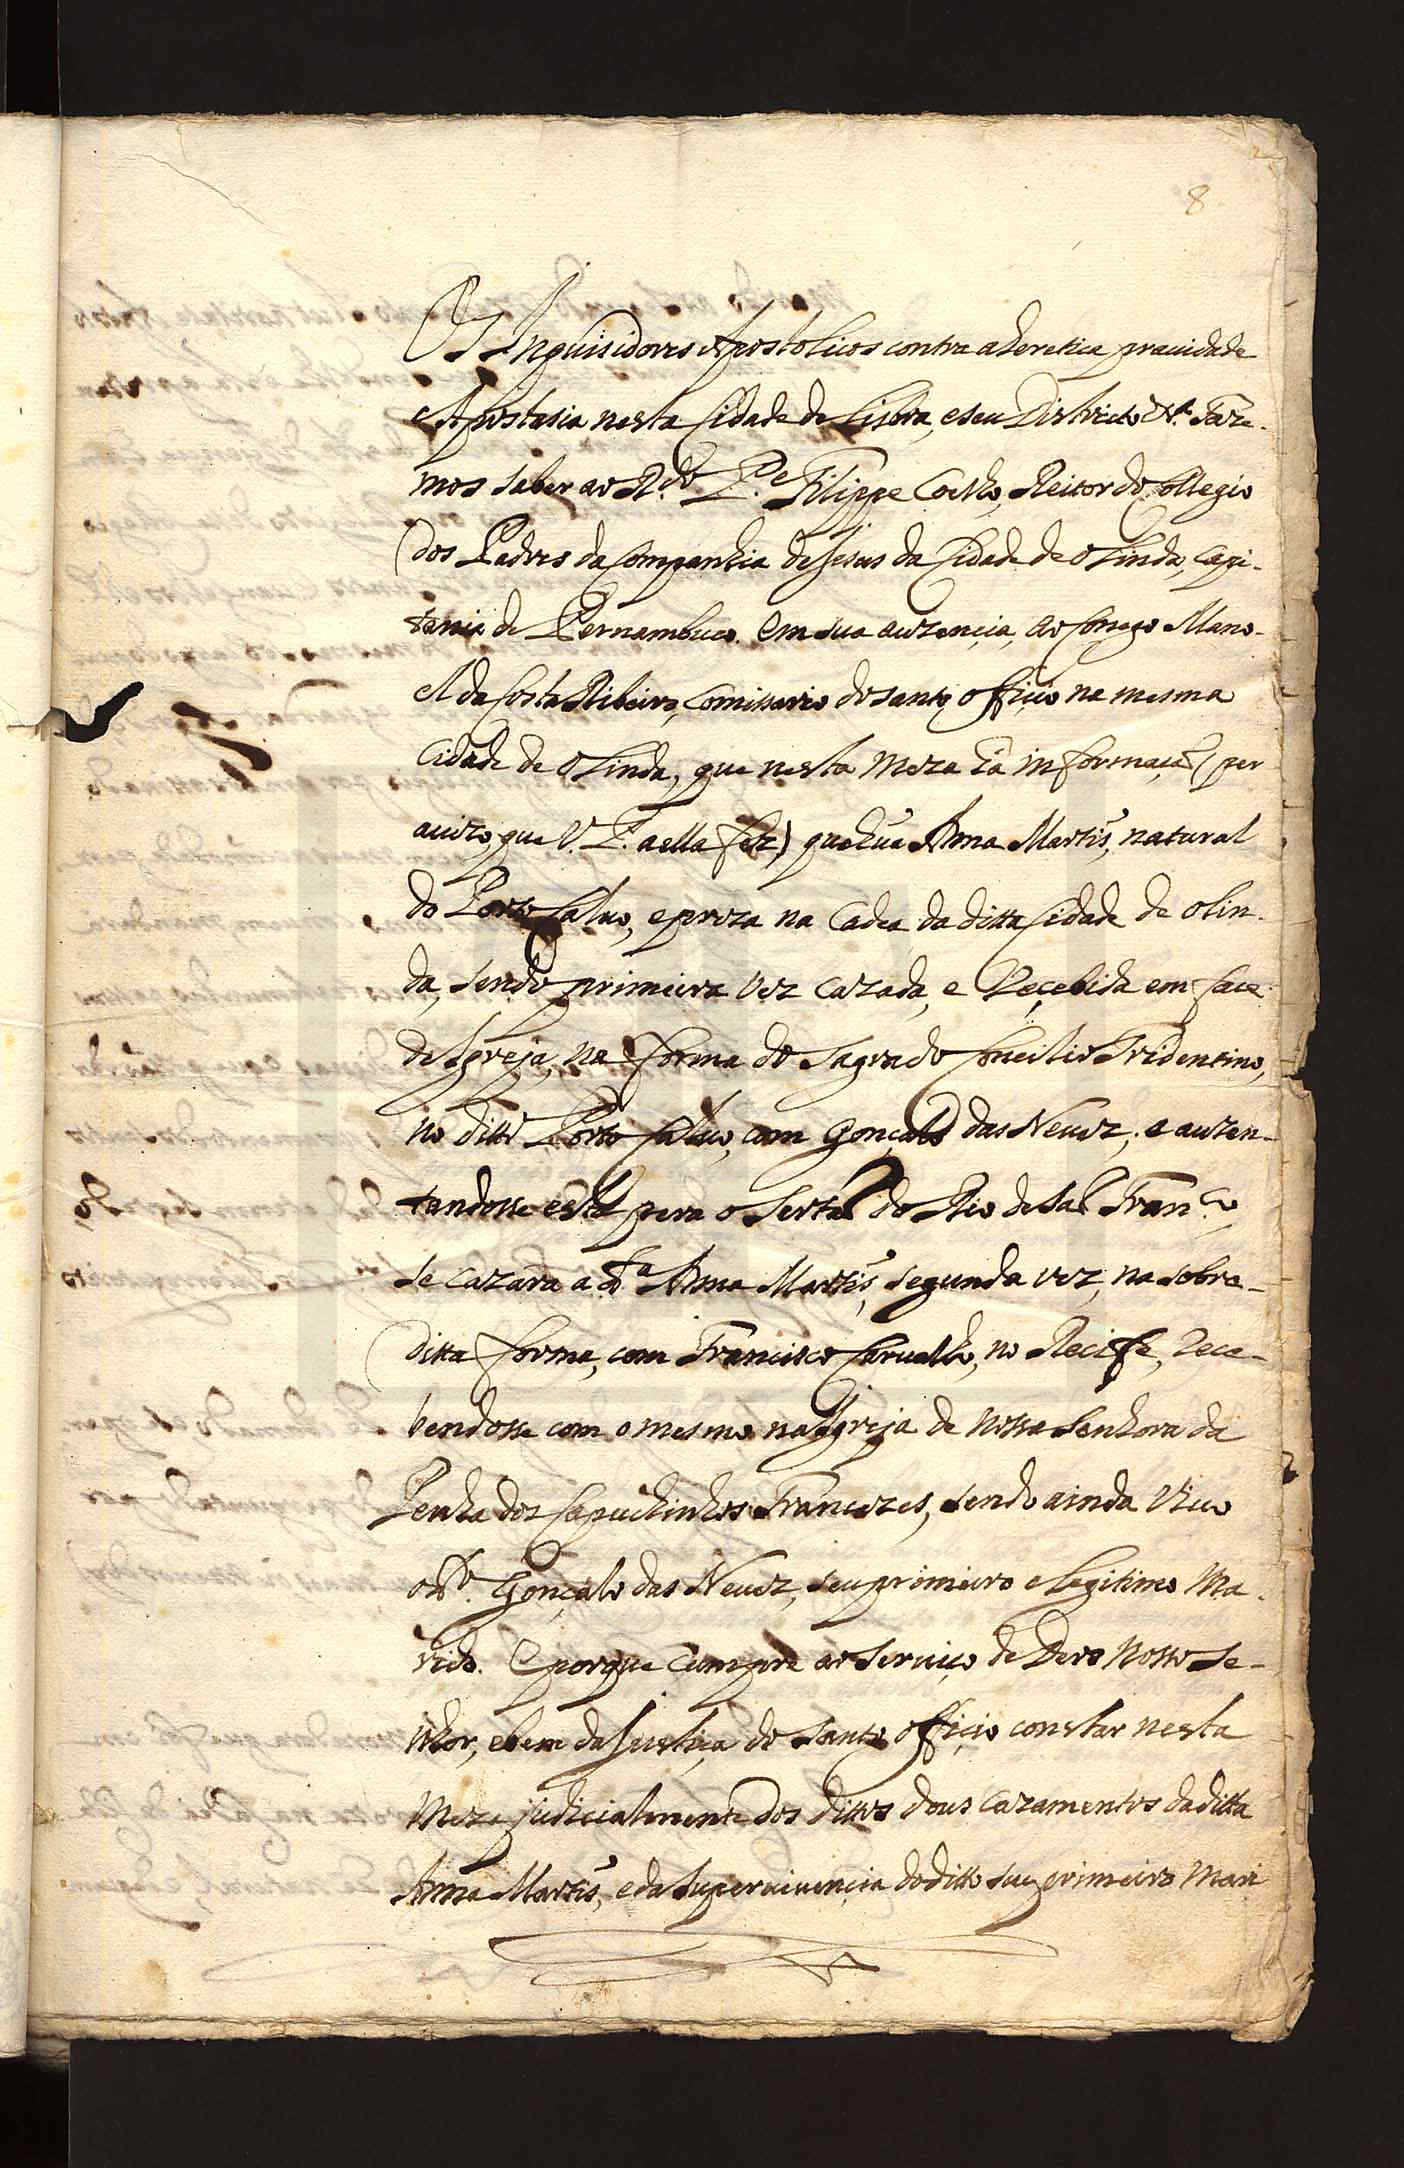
Os Inquisidores Apostolicos contra a heretica prauidade
Apostasia nesta Cidade de Lisboa, e seu Districto &.a Faze
mos saber ao R.do Pe Filippe Coelho, Reitor do Collegio
dos Padres da Companhia de Jesus da Cidade de olinda, capi
tania de Pernambuco. em sua auzencia, ao Conego Mano
el da Costa Ribeiro, Comissario do santo officio na mesma
cidade de olinda, que nesta Meza há informaçaõ per
auizo, que V. P. a ella fez, que hūa Anna Martis̄, natural
do Porto Caluo, e preza na cadea da dita Cidade de olin
da, sendo primeira vez cazada, e Recebida em face
de Igreja, na forma do Sagrado Concilio Tridentino,
no ditto Porto Caluo, com gonçalo das Neuez, e auzen
tandosse este pera o Sertaõ do Rio de Saõ Fran.co
se cazara a d̄a Anna Martis̄, segunda vez, na sobre
ditta forma, com Francisco Carualho, no Recife, Rece
bendosse com o mesmo na Igreja de nossa Senhora da
Penha dos Capuchinhos Francezes, sendo ainda Viuo
o d̄o. Gonçalo das Neuez, seu primeiro e legitimo Ma
rido. E porque cumpre ao Seruiço de Deos nosso Se
nhor, e bem da Justiça do santo officio constar nesta
Meza judicialmente dos dittos dous cazamentos da ditta
Anna Martis̄, e da Superuiuencia do ditto seu primeiro mari
